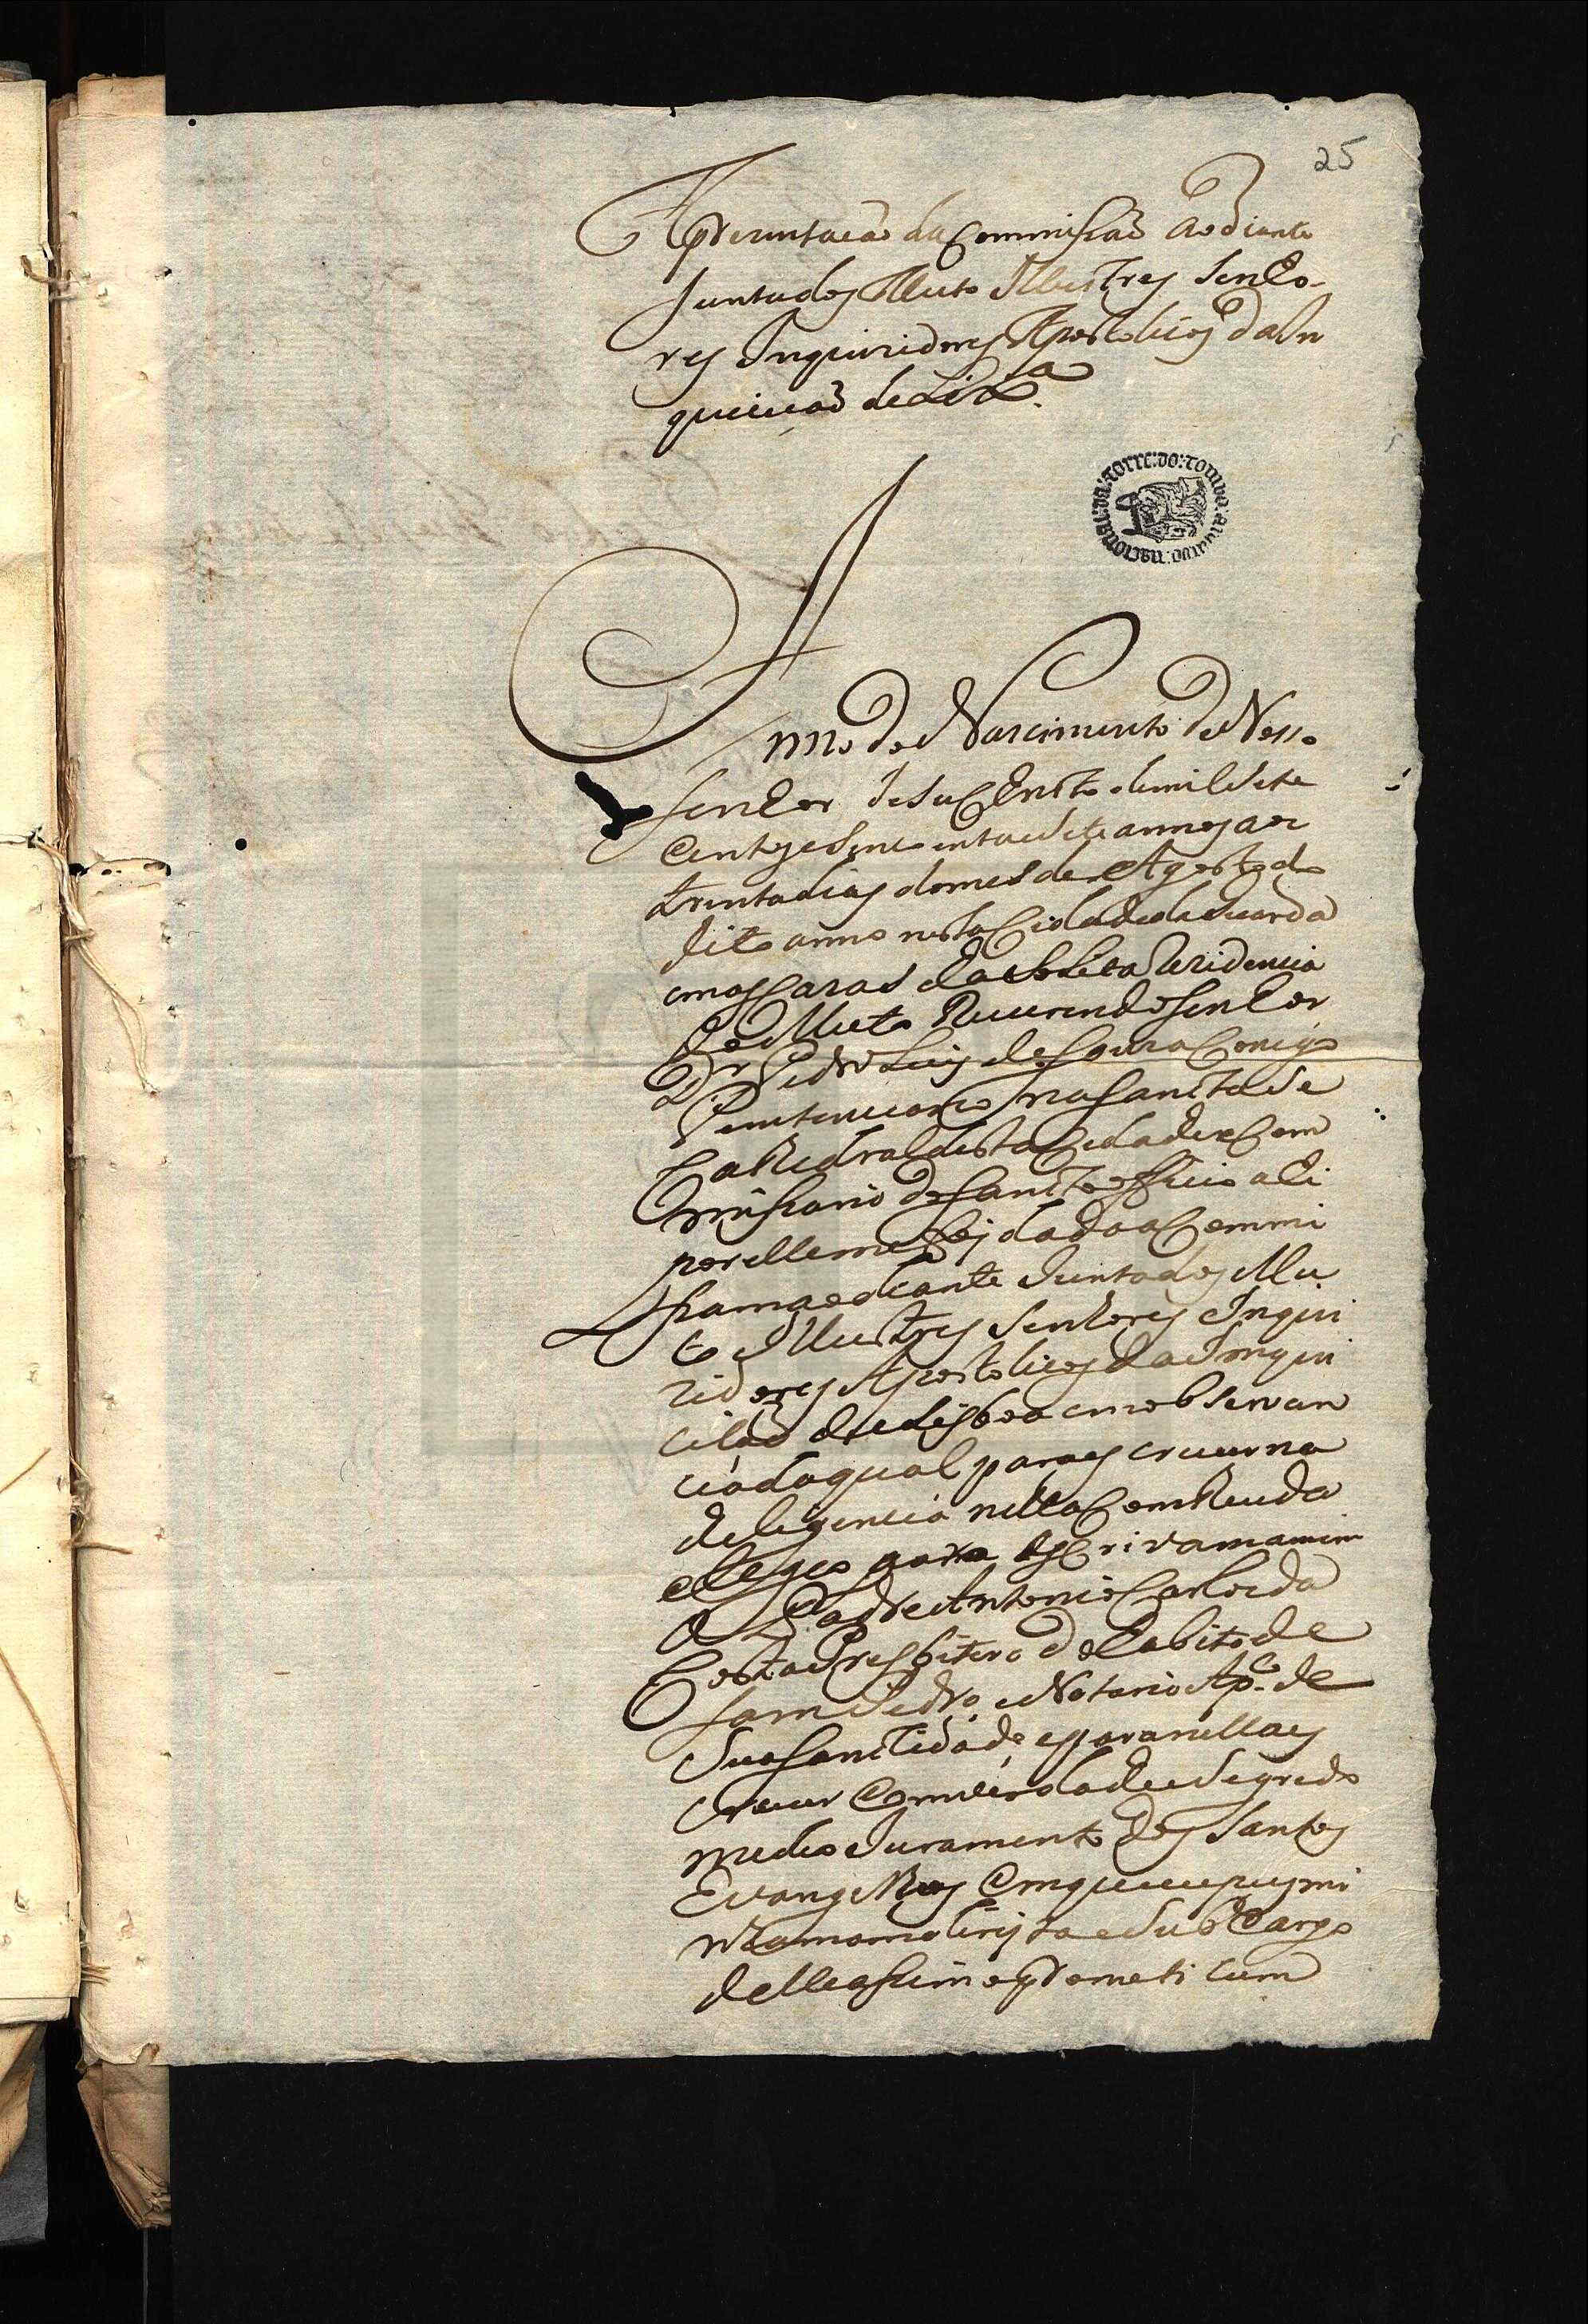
Aprezentacaõ da Commissaõ ao diante
Junta dos Muto Illustres Senho
res Inquizidores Apostolicos da In
quisiçaõ de Lix.a
Anno do Nascimento de Nosso
senhor IeSu Christo de mil Sete
Centos e Sincoenta e sete annos aos
trinta dias do mes de Agosto do
dito anno nesta Cidade da Guarda
em as Cazas da SoLita Rezidencia
do Muto Reuerendo senhor
D.r Pedro Luis de souza Conigo
Penitenciario na sancta se
Cathedral desta Cidade e Com
missario do sancto officio ahi
por elle me foj dada a Commi
ssam ao diante Iunta dos Mu
to Illustres Senhores Inqui
zidores Apostolicos da Imqui
ciçaõ de Lisboa em observan
cia da qual para escreuer na
deligencia nella Comtheuda
elegeo para escrivam a mim
O Padre Antonio Carloz da
Costa Presbitero do habito de
sam Pedro, e Notario Ap.co de
Sua sanctidade, e para nella es
Creuer Com verdade e Segredo
me deo Iuramento dos Santos
Evangelhos em que eu pus mi
nha mam direjta e Sub cargo
delle assim o prometi cum
